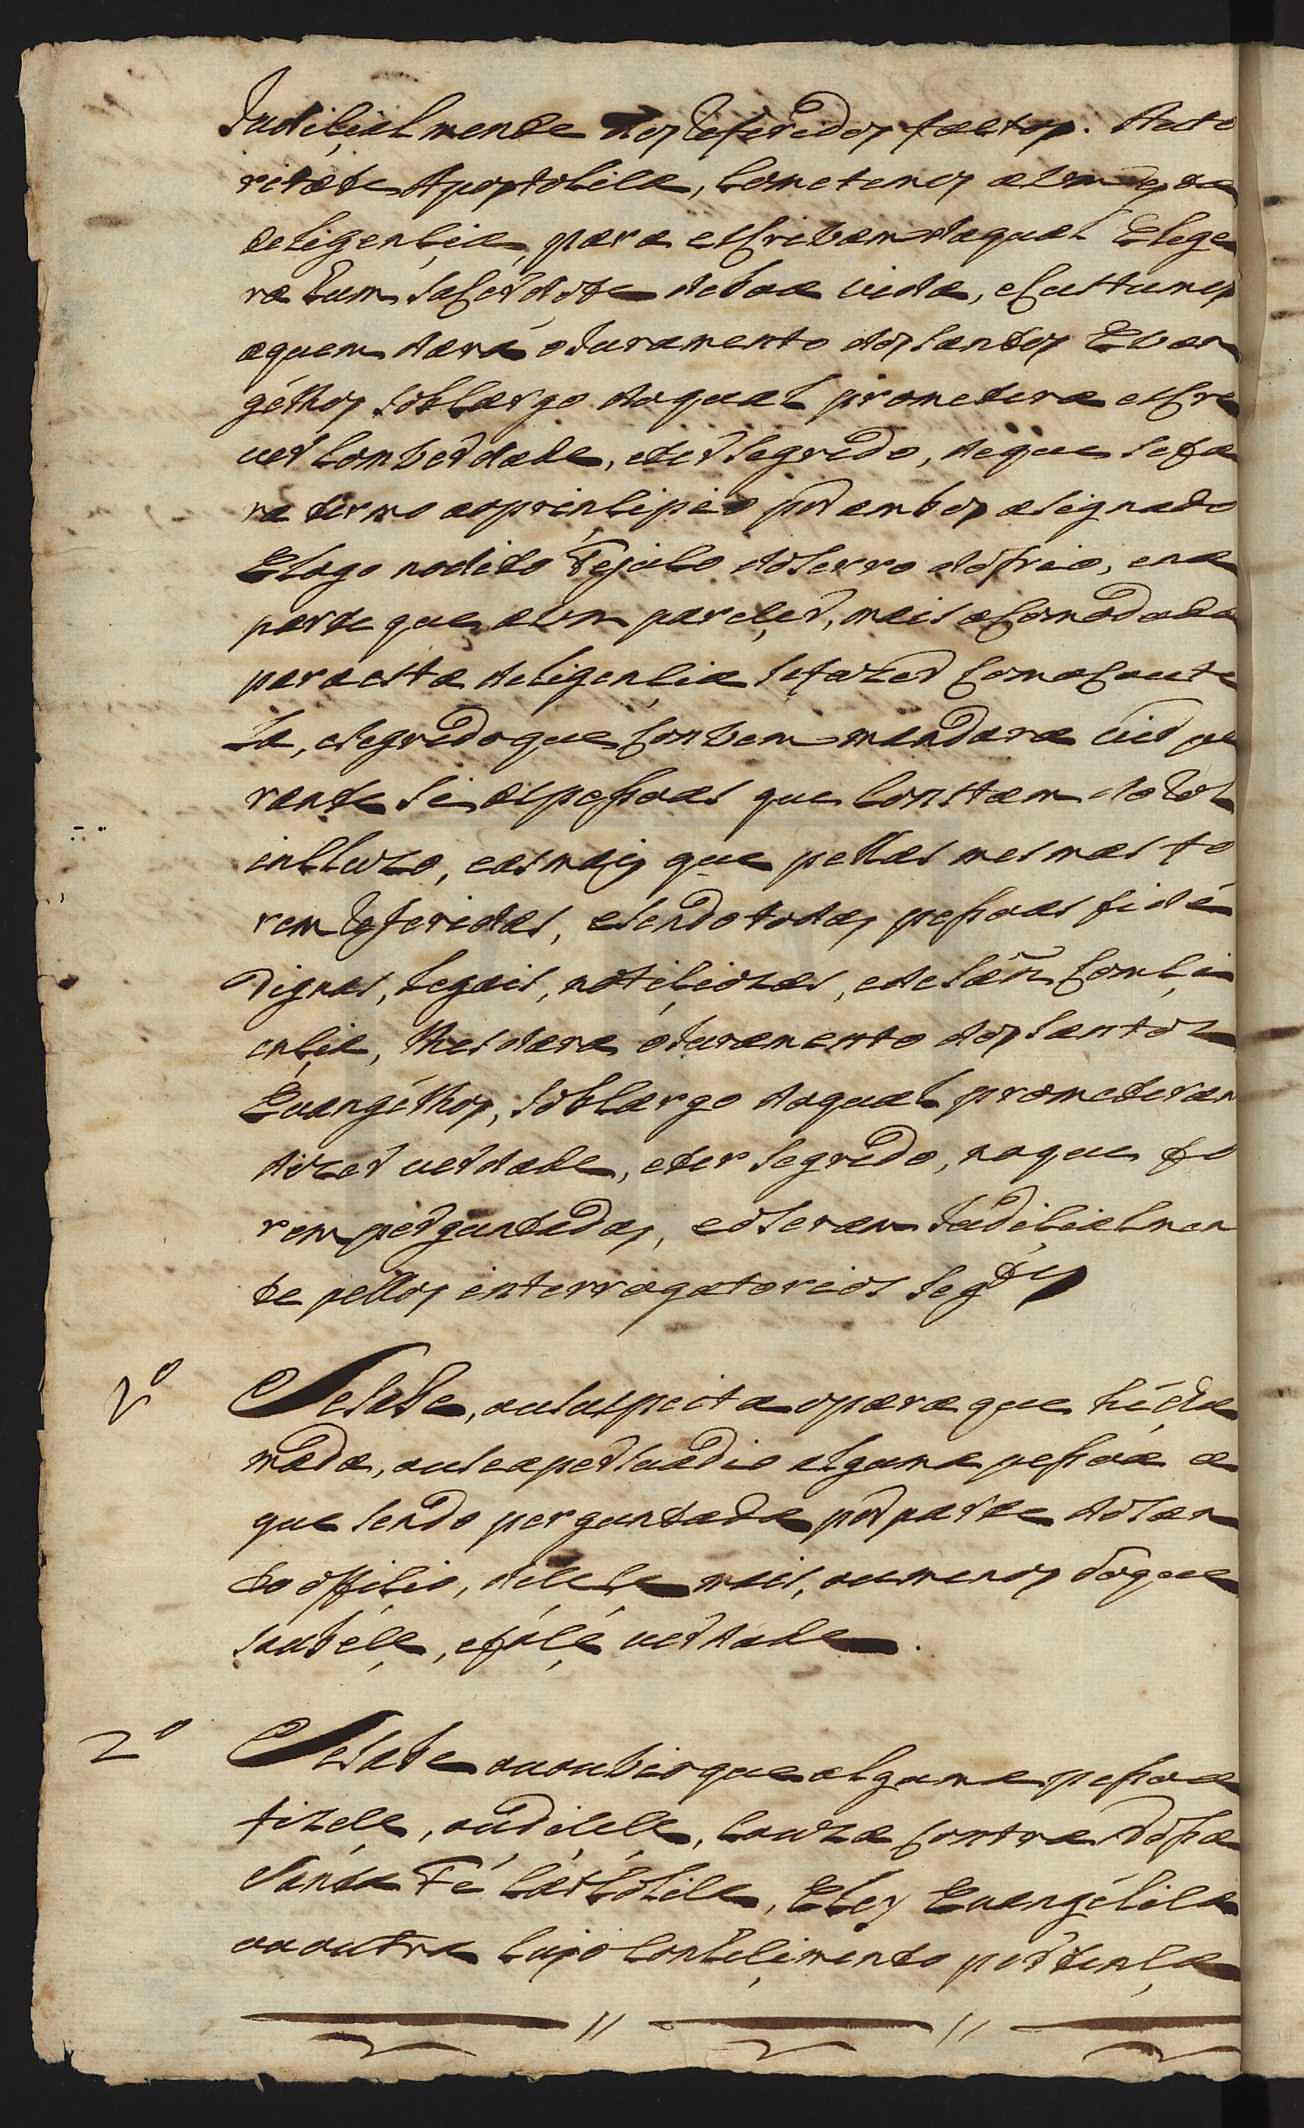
1o
2o
IudiÇiaLmente dos Referidos factos. Auto
ritate ApostoLica, Cometemos a vm esta
deligençia, para esCrivam da qual Elege
ra hum saCerdote de boa uida, e Custumes
a quem dará o Iuramento dos santos Evan
gélhos sob cargo da qual prometera esCre
uer Com verdade, e ter segredo, de que se fa
ra termo ao prinçipio por ambos asignado
E Logo no dito Tejuco do serro do frio, e na
parte que a vm pareçer, mais aComodada
para esta deLigençia se fazer Com a Caute
La, e segredo que Convem mandara uir pe
rante si as pessoas que constam do Rol
inCluzo, e as mais que pellas mesmas fo
rem Referidas, e sendo todas pessoas fidé
dignas, Legais, notiçiozas, e de sãn Comçi
ençia, lhe selara o Iuramento dos santoz
Euangélhos, sob Cargo da qual prometera
dizer uerdade, e ter segredo, no que fo
rem perguntadas, e o seram Iudicialmen
te pellos interrogatorios seg.tes
Se sabe, ou suspeita o para que hé çha
mada, ou se a persuadio aLguma pessoa o
que sendo perguntada por parte do san
to officio, deçeçe mais, ou menos do que
soubeçe, e foçe uerdade.
Se sabe ou ouvio que alguma pessoa
fizeçe, ou diçeçe, couza contra nossa
Santa Fé Catholica, E Ley Euangélica
ou outra cujo conheçimento pertença
